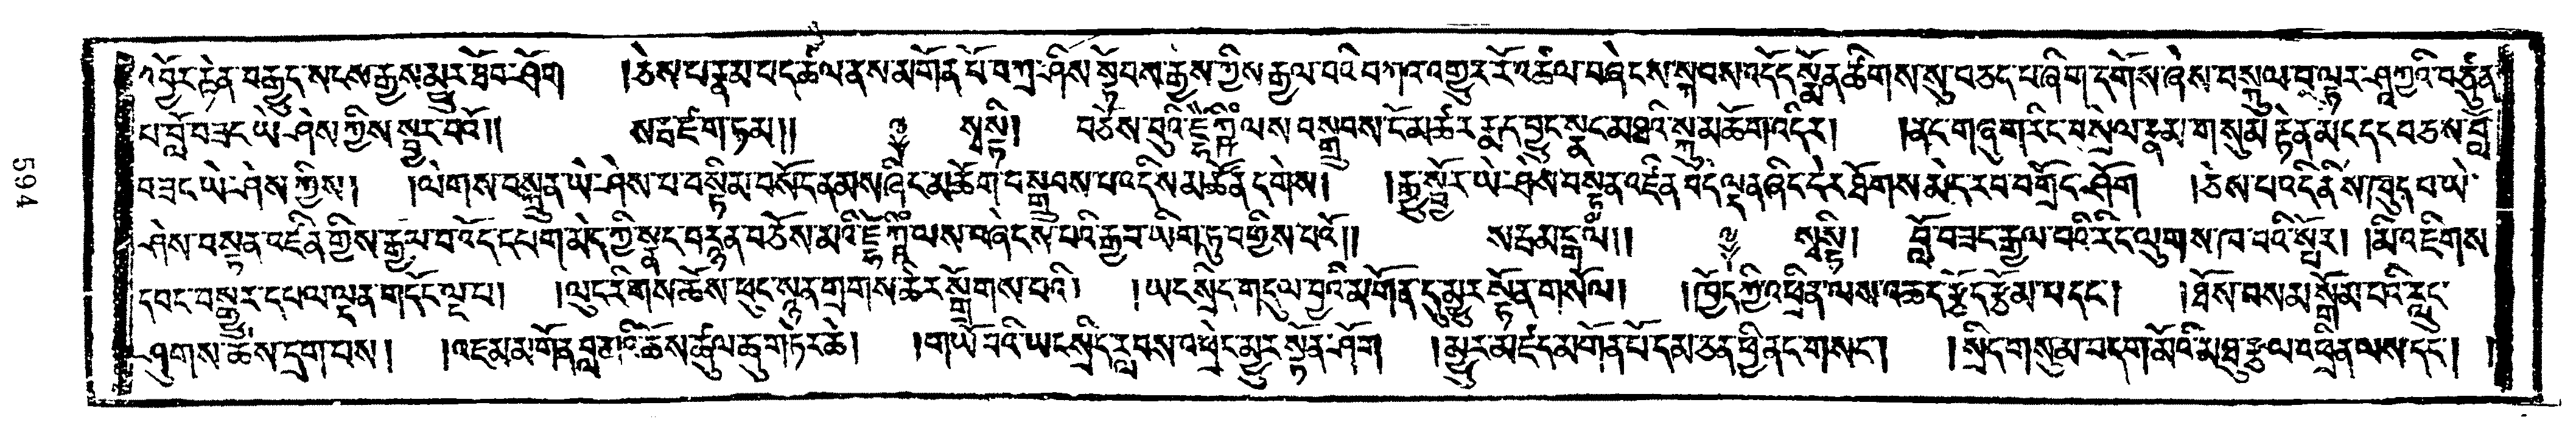འབྱོར་རྟེན་བརྒྱུད་སངས་རྒྱས་མྱུར་ཐོབ་ཤོག །ཅེས་པ་རྣམ་པད་ཚལ་ནས་མགོན་པོ་བཀྲ་ཤིས་སྟོབས་རྒྱས་ཀྱིས་རྒྱལ་བའི་བཀའ་འགྱུར་རོ་འཚལ་བཞེངས་སྐབས་འདོད་སྨོན་ཚིགས་སུ་བཅད་པ་ཞིག་དགོས་ཞེས་བསྐུལ་བ་ལྟར་ཤཱཀྱའི་བཙུན་
པ་བློ་བཟང་ཡེ་ཤེས་ཀྱིས་སྦྱར་བའོ།། སརྦ་ཛ་ག་ཏམ།། ༈ སྭསྟི། བཅོས་བུའི་ཛྷཻ་ཀྵིཾ་ལས་བསྒྲུབས་ངོ་མཚར་རྨད་བྱུང་སྣང་མཐའི་སྐུ་མཆོག་འདིར། །ནང་གཞུག་རིང་བསྲེལ་རྣམ་གསུམ་རྟེན་མང་དང་བཅས་བློ་
བཟང་ཡེ་ཤེས་ཀྱིས། །ལེགས་བསྐྲུན་ཡེ་ཤེས་པ་བསྟིམ་བསོད་ནམས་ཞིང་མཆོག་བསྒྲུབས་པ་འདིས་མཚོན་དགེས། །རྒྱུ་སྦྱོར་ཡེ་ཤེས་བསྟན་འཛིན་བདེ་ལྡན་ཞིང་དེར་ཐོགས་མེད་རབ་བགྲོང་ཤོག །ཅེས་པ་འདི་ནི་ས་ཁུད་པ་ཡེ་
ཤེས་བསྟན་འཛིན་གྱིས་རྒྱལ་བ་འོད་དཔག་མེད་ཀྱི་སྣང་བརྙན་བཅོས་མའི་ཇྷོ་ཀྵིཾ་ལས་བཞེངས་པའི་རྒྱབ་ཡིག་ཏུ་བགྱིས་པའོ།། སརྦ་མངྒ་ལཾ།། ༈ སྭསྟི། བློ་བཟང་རྒྱལ་བའི་རིང་ལུགས་ཁ་བའི་སྤོར། །མི་འཇིགས་
དབང་བསྒྱུར་དཔལ་ལྡན་གདོང་ལྔ་པ། །ལུང་རིགས་ཆོས་ཕུང་སྙན་གྲགས་ཆེར་སྒྲོགས་པའི། །ཡང་སྲིད་གདུལ་བྱའི་མགོན་དུ་མྱུར་སྟོན་གསོལ། །ཁྱོད་ཀྱི་འཕྲིན་ལས་འཆད་རྩོད་རྩོམ་པ་དང་། །ཐོས་བསམ་སྒོམ་པའི་རླུང་
ཤུགས་ཆེས་དྲག་པས། །འཇམ་མགོན་བླ་མའི་ཆོས་ཚུལ་ཆུ་གཏེར་ཆེ། །གཡོ་བའི་ཡང་སྲིད་རླབས་འཕྲེང་མྱུར་སྟོན་ཤོག །མྱུར་མཛད་མགོན་པོ་དམ་ཅན་ཕྱི་ནང་གསང་། །སྲིད་གསུམ་བདག་མོའི་མཐུ་རྩལ་འཕྲིན་ལས་དང་། །